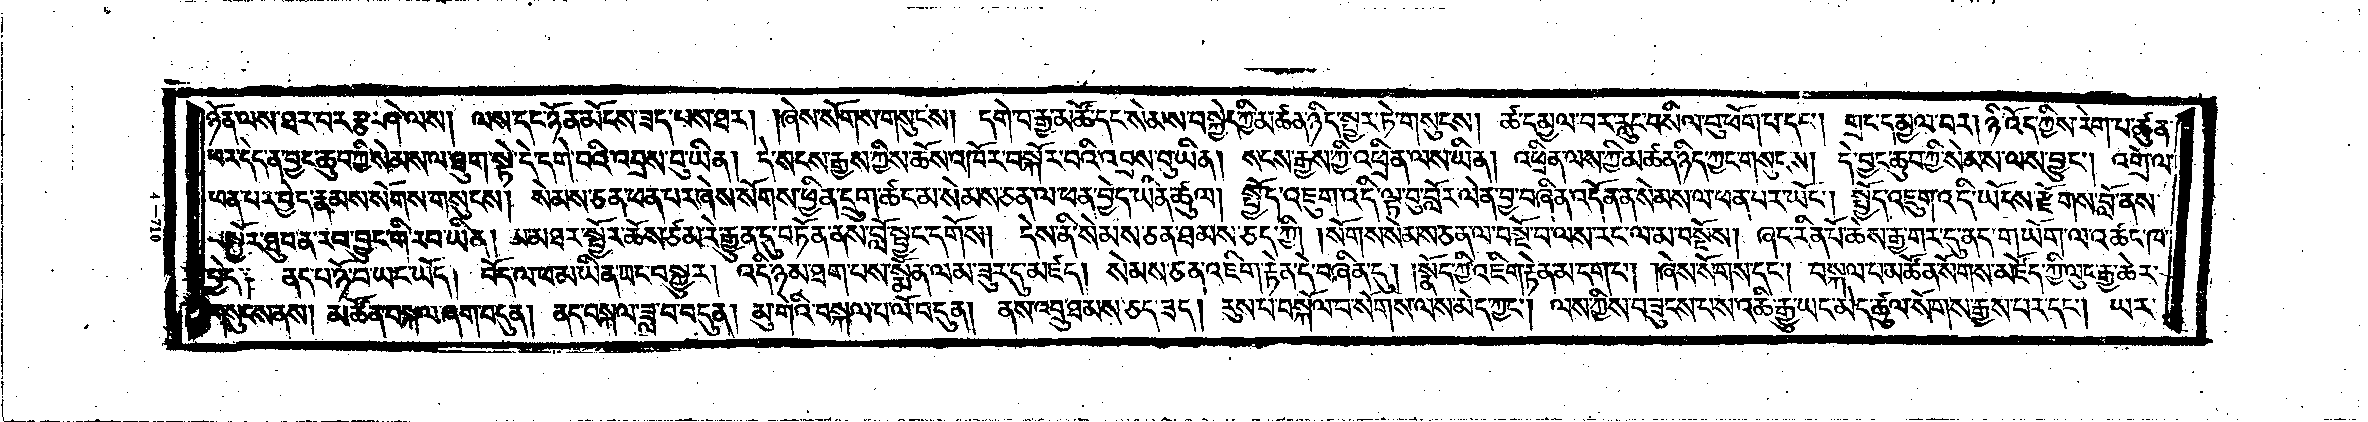ཉོན་ལས་ཐར་བར་རྩ་ཤེ་ལས། ལས་དང་ཉོན་མོངས་ཟད་པས་ཐར། །ཞེས་སོགས་གསུངས། དགེ་བ་རྒྱ་མཚོ་དང་སེམས་བསྐྱེད་ཀྱི་མཚན་ཉིད་སྦྱར་ཏེ་གསུངས། ཚ་དམྱལ་བར་རླུང་བསིལ་བུ་ཕོག་པ་དང་། གྲང་དམྱལ་བར། ཉི་འོད་ཀྱིས་རེག་པ་ཚུན་
ཕར་དེད་ན་བྱང་ཆུབ་ཀྱི་སེམས་ལ་ཐུག་སྟེ་དེ་དགེ་བའི་འབྲས་བུ་ཡིན། དེ་སངས་རྒྱས་ཀྱིས་ཆོས་འཁོར་བསྐོར་བའི་འབྲས་བུ་ཡིན། སངས་རྒྱས་ཀྱི་འཕྲིན་ལས་ཡིན། འཕྲིན་ལས་ཀྱི་མཚན་ཉིད་ཀྱང་གསུངས། དེ་བྱང་ཆུབ་ཀྱི་སེམས་ལས་བྱུང་། འགྲོ་ལ་
ཕན་པར་བྱེད་རྣམས་སོགས་གསུངས། སེམས་ཅན་ཕན་པར་ཞེས་སོགས་ཕྱིན་དྲུག་ཚང་མ་སེམས་ཅན་ལ་ཕན་བྱེད་ཡིན་ཚུལ། སྤྱོད་འཇུག་འདི་ལྟ་བུ་བློར་ལེན་བྱ་བཞིན་འདོན་ན་སེམས་ལ་ཕན་པར་ཡོང་། སྤྱོད་འཇུག་འདི་ཡོངས་རྫོགས་བློ་ནས་
བསྐྱོར་ཐུབ་ན་རབ་བྱུང་གི་རབ་ཡིན། མ་མཐར་སྦྱོར་ཆོས་ཙམ་རེ་རྒྱུན་དུ་བཏོན་ནས་བློ་སྦྱང་དགོས། དེས་ནི་སེམས་ཅན་ཐམས་ཅད་ཀྱི། །སོགས་སེམས་ཅན་ལ་བསྔོ་བ་ལས་རང་ལ་མ་བསྔོས། ཞང་རིན་པོ་ཆེས་རྒྱ་གར་དུ་ནད་གཡོག་ལ་འཚང་ཁ་
བྱེད༑ ནད་པ་ཉོ་བ་ཡང་ཡོད། བོད་ལ་ཕ་མ་ཡིན་ཡང་བསྐྱུར། འདི་ཉམ་ཐག་པས་སྨོན་ལམ་ཟུར་དུ་མཛད། སེམས་ཅན་འཇིག་རྟེན་དེ་བཞིན་དུ། །སྣོད་ཀྱི་འཇིག་རྟེན་མ་དག་པ། །ཞེས་སོགས་དང་། བསྐལ་པ་མཚོན་སོགས་མཛོད་ཀྱི་ལུང་རྒྱ་ཆེར་
གསུངས་ནས། མཚོན་བསྐལ་ཞག་བདུན། ནད་བསྐལ་ཟླ་བ་བདུན། མུ་གེའི་བསྐལ་པ་ལོ་བདུན། ནས་འབྲུ་ཐམས་ཅད་ཟད། རུས་པ་བསྐོལ་བ་སོགས་ལས་མེད་ཀྱང་། ལས་ཀྱིས་གཟུངས་པས་འཆི་རྒྱུ་ཡང་མེད་ཚུལ་སོགས་རྒྱས་པར་དང་། ཡར་